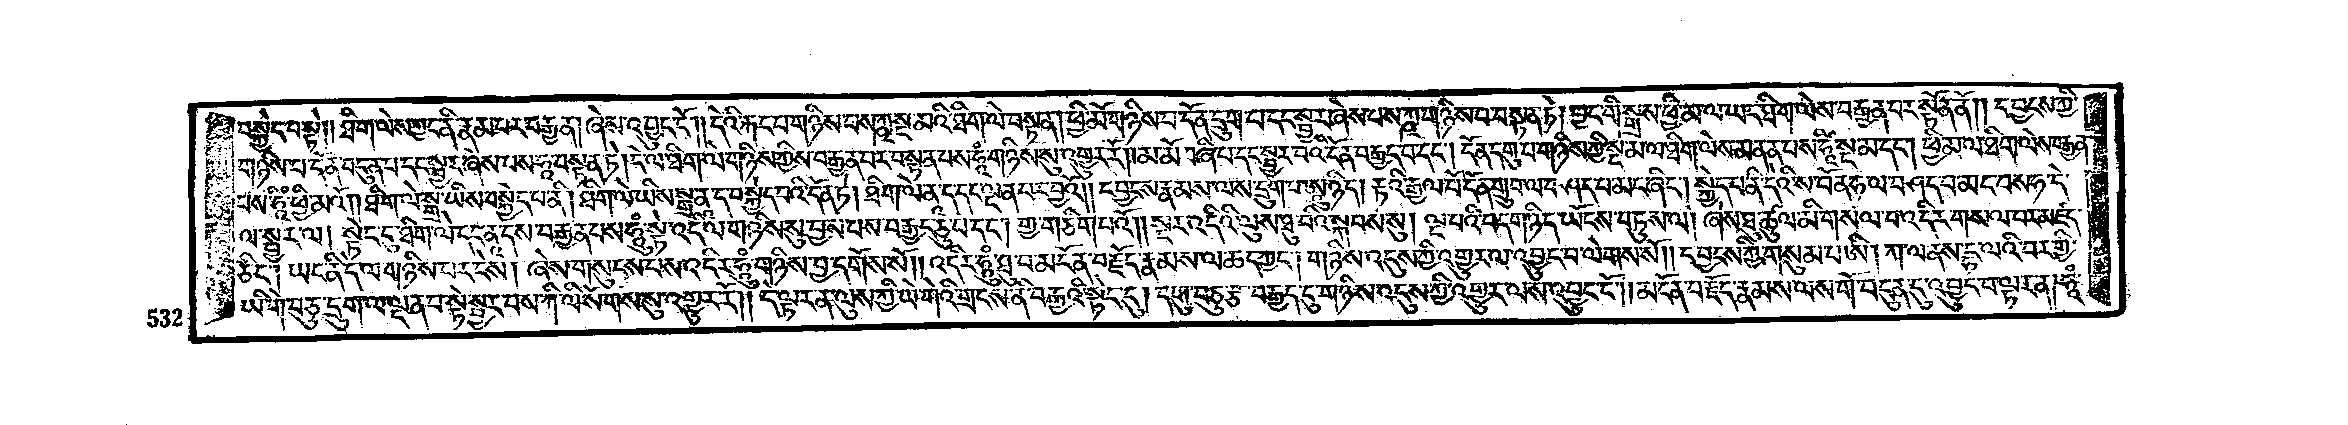བསྐྱེད་པ་སྟེ། །ཐིག་ལེས་ཀྱང་ནི་རྣམ་པར་བརྒྱན། ཞེས་འབྱུང་ངོ། །དེའི་རྐང་པ་གཉིས་པས་ཀྵ་སྔ་མའི་ཐིག་ལེ་བསྟན། ཕྱི་མོ་གཉིས་པ་དོན་དྲུག་པ་དང་སྦྱར་ཞེས་པས་ཀྵ་གཉིས་པ་བསྟན་ཏེ། །བྱང་?་གི་སྒྲས་ཕྱི་མ་ལ་ཡང་ཐིག་ལེས་བརྒྱན་པར་སྟོན་ནོ། །དབྱངས་ཀྱི་
གཉིས་པ་དོན་བདུན་པ་དང་སྦྱར་ཞེས་པས་ཧཱ་བསྟན་ཏེ། དེ་ལ་ཐིག་ལེ་གཉིས་ཀྱིས་བརྒྱན་པར་བསྟན་པས་ཧའཾ་གཉིས་སུ་འགྱུར་རོ། །མ་མོ་བཞི་པ་དང་སྦྱར་བའི་དོན་བརྒྱད་པ་དང་། དོན་དགུ་པ་གཉིས་ཀྱི་སྔ་མ་ལ་ཐིག་ལེས་མནན་པས་ཧཱིཾ་སྔ་མ་དང་། ཕྱི་མ་ལ་ཐིག་ལེས་བརྒྱན་
པས་ཧཱིཾ་ཕྱི་མའོ། །ཐིག་ལེ་སྒྲ་ཡིས་བསྐྱེད་པ་ནི། ཐིག་ལེ་ཡིས་སྒྲ་ནཱ་ད་བསྐྱེད་པའི་དོན་ཏེ། ཐིག་ལེ་ནཱ་ད་དང་ལྡན་པར་བྱའོ། །དབྱངས་རྣམས་ལས་དྲུག་པ་ཨཱུ་ཉིད། རྟའི་རྒྱལ་པོ་དོན་གྲུབ་ལ་བཤད་པ་མང་ཞིང་། སྐྱེད་པ་ནི་དེའི་ས་བོན་ཧ་ལ་བཤད་པ་མང་བས་ཧ་དེ་
ལ་སྦྱར་ལ། སྟེང་དུ་ཐིག་ལེ་དང་ནཱ་དས་བརྒྱན་པས་ཧཱུཾ་སྟེ་འདི་ལ་གཉིས་སུ་བྱས་པས་བརྒྱད་ཅུ་པ་དང་། གྱ་གཅིག་པའོ། །སྔར་འདིའི་ལུས་ཐུ་བའི་སྐབས་སུ། ལྔ་པའི་བདག་ཉིད་ཡོངས་བཏུས་ལ། ཞེས་ཐུ་ཚུལ་མི་གསལ་བ་འདིར་གསལ་བར་མཛད་
ཅིང་། ཡང་ནི་དེ་ལ་གཉིས་པར་ངེས། ཞེས་གསུངས་པས་འདིར་ཧཱུཾ་གཉིས་བྱ་དགོས་སོ། །འདིར་ཧཱུཾ་ཐུ་བ་མངོན་བརྗོད་རྣམས་ལ་ཆད་ཀྱང་། གཉིས་འདུས་ཀྱི་འགྱུར་ལ་འབྱུང་བ་ལེགས་སོ། །དབྱངས་ཀྱི་གསུམ་པ་ཨི། ཀ་ལ་ནས་དྷ་ལའི་བར་གྱི་
ཡི་གེ་བཅུ་དྲུག་ལ་ལྡན་པ་སྟེ་སྦྱར་བས་ཀི་ལི་སོགས་སུ་འགྱུར་རོ། །དེ་ལྟར་ན་ལུས་ཀྱི་ཡི་གེའི་གྲངས་ནི་བརྒྱའི་སྟེང་དུ། དགུ་བཅུ་རྩ་བརྒྱད་དུ་གཉིས་འདུས་ཀྱི་འགྱུར་ལས་འབྱུང་ངོ། །མངོན་བརྗོད་རྣམས་ལས་གོ་བདུན་དུ་འབྱུང་བ་ལྟར་ན། ཧའཾ་